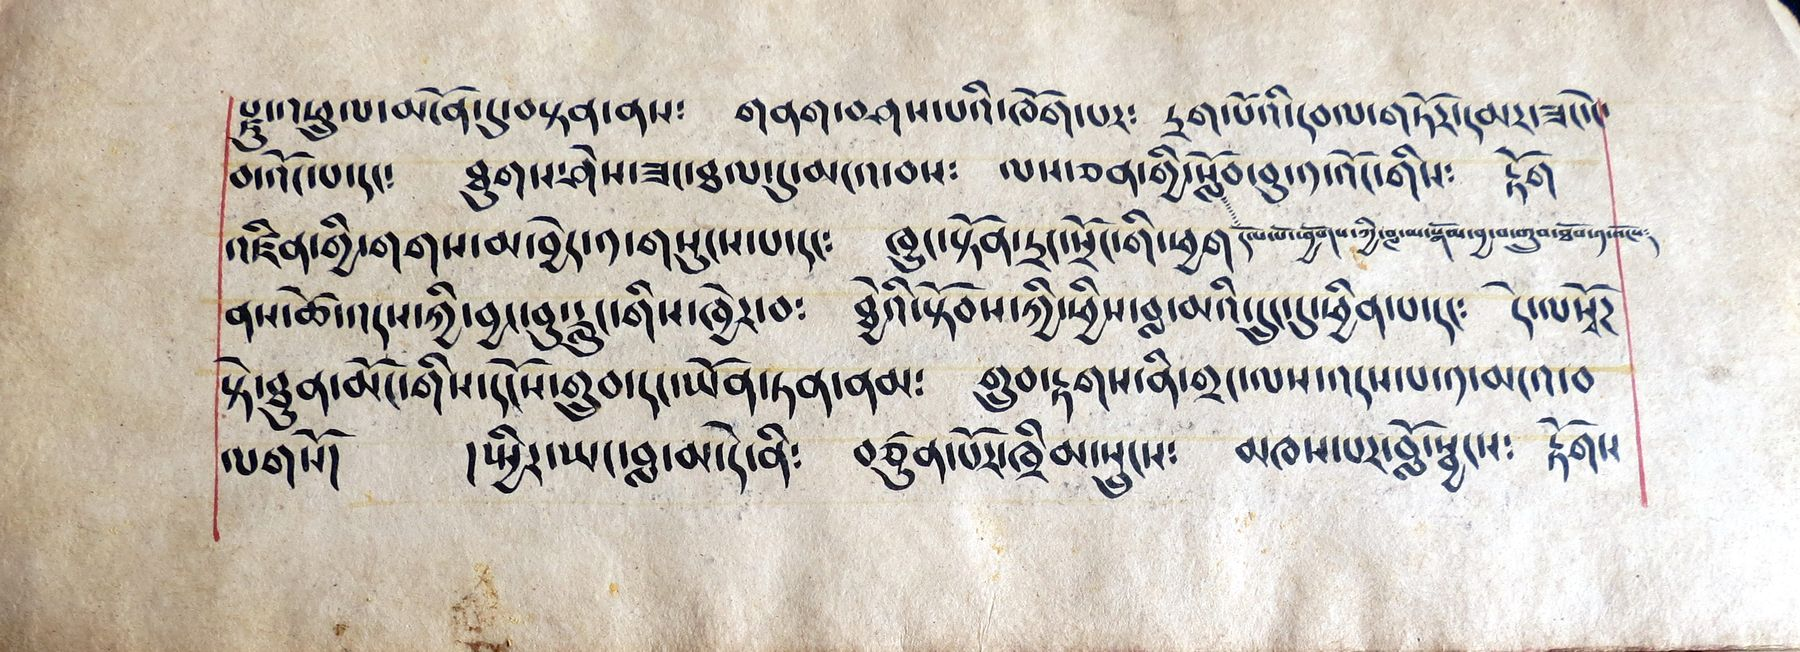རྫུ་འཕྲུལ་མངོན་དུ་བསྟན་ནས། གནག་བཤས་པའི་ཁོག་པར། དྲག་པོའི་དབལ་གཏོར་དམར་ཟང་ངེ་
བ་འོང་བ་དང་། ཐུགས་ཤེས་ཟང་ཐལ་དུ་མངའ་བས། ལས་ཅན་གྱི་སློབ་བུ་ཞིག་ རྟོག་
འཛིན་གྱིས་གགས་མ་བྱེད་ཅིག་གསུངས་པ་དང་། ཁྱུང་སྟོན་དྲང་སྲོང་གི་ཕྱག་ དོལ་པོ་ཕྱོགས་ཀྱི་བླ་མ་སྒོམ་བྱ་བ་གྲུབ་ཐོབ་ཅིག་འོང་མཆན་འོང་གི།
ནས་ཚེ་འདས་ཀྱི་བྱང་བུ་རླུང་གིས་ཁྱེར་བ། ཐུགས་རྗེའི་སྟོབས་ཀྱིས་ཕྱིས་བླ་མའི་དྲུང་དུ་ཕྱིན་པ་དང་། དེ་ལས་སོགས་
ཏེ་ཐུན་མོང་གི་དངོས་གྲུབ་དང་ཡོན་ཏན་ནམ་གྲུབ་རྟགས་ནི། གྲངས་ལས་འདས་པ་ཞིག་མངའ་བ་
ལགས་སོ། །སྤྱིར་ཡང་བླ་མ་དེ་ནི་བཙུན་པོར་ཁྲིམས་སྲུང་། མཁས་པར་བློ་སྦྱངས། རྟོགས་